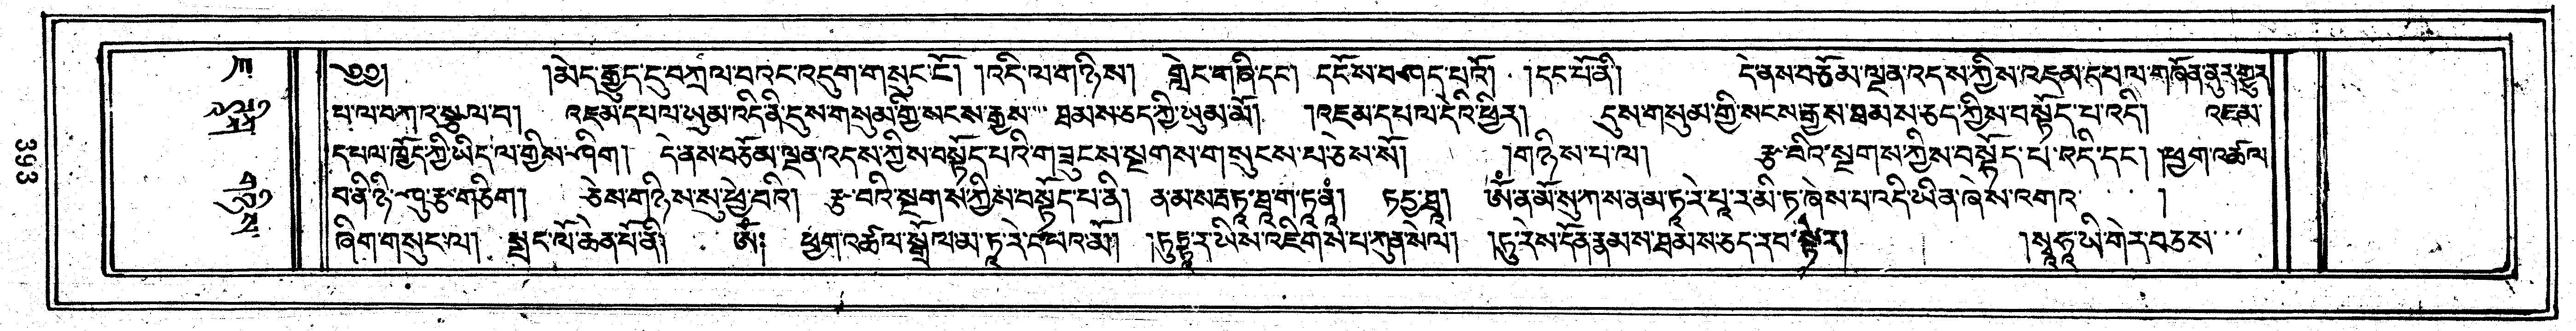༄༅། །མེད་རྒྱུད་དུ་བཀྲལ་བའང་འདུག་གསུང་ངོ། །འདི་ལ་གཉིས། གླེང་གཞི་དང་། དངོས་བཤད་པའོ། །དང་པོ་ནི། དེ་ནས་བཅོམ་ལྡན་འདས་ཀྱིས་འཇམ་དཔལ་གཞོན་ནུར་གྱུར་
པ་ལ་བཀའ་སྩལ་བ། འཇམ་དཔལ་ཡུམ་འདི་ནི་དུས་གསུམ་གྱི་སངས་རྒྱས་ཐམས་ཅད་ཀྱི་ཡུམ་མོ། །འཇམ་དཔལ་དེའི་ཕྱིར། དུས་གསུམ་གྱི་སངས་རྒྱས་ཐམས་ཅད་ཀྱིས་བསྟོད་པ་འདི། འཇམ་
དཔལ་ཁྱོད་ཀྱི་ཡིད་ལ་གྱིས་ཤིག། དེ་ནས་བཅོམ་ལྡན་འདས་ཀྱིས་བསྟོད་པའི་གཟུངས་སྔགས་གསུངས་པ་ཅེས་སོ། །གཉིས་པ་ལ། རྩ་བའི་སྔགས་ཀྱིས་བསྟོད་པ་འདི་དང་། །ཕྱག་འཚལ་
བ་ནི་ཉི་ཤུ་རྩ་གཅིག། ཅེས་གཉིས་སུ་ཕྱེ་བའི། རྩ་བའི་སྔགས་ཀྱིས་བསྟོད་པ་ནི། ན་མ་སརྦ་ཏཱ་ཐཱ་ག་ཏཱ་ནཱཾ། ཏདྱ་ཐཱ། ཨོཾ་ན་མོ་སུ་ཀ་ས་ན་མ་ཏཱ་རེ་པཱ་ར་མི་ཏ་ཞེས་པ་འདི་ཡིན་ཞེས་འགའ།
ཞིག་གསུང་ལ། སྤང་ལོ་ཆེན་པོ་ནི། ཨོཾ༑ ཕྱག་འཚལ་སྒྲོལ་མ་ཏཱ་རེ་དཔའ་མོ། །ཏུཏྟཱ་ར་ཡིས་འཇིགས་པ་ཀུན་སེལ། །ཏུ་རེས་དོན་རྣམས་ཐམས་ཅད་རབ་སྟེར། །སྭཱཧཱ་ཡི་གེར་བཅས་